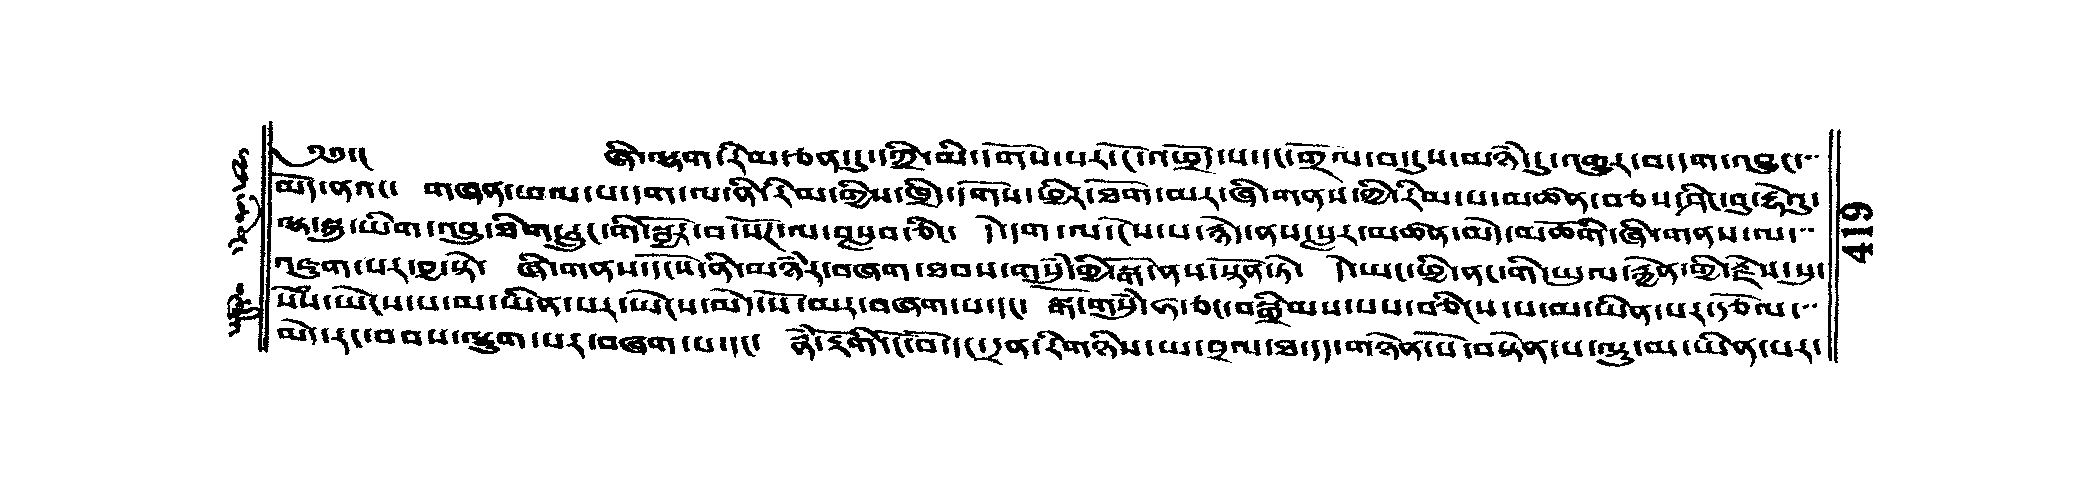ཞི་ལྷག་རིམ་ཅན་དུ་དཀྲི་མི་དགོས་པར་ངོ་འཕྲོད་པ་དང་གྲོལ་བ་དུས་མཉམ་དུ་འགྱུར་བ་དག་འབྱུང་
མོད་ནའང་། གཞན་ཕལ་པ་དག་ལ་ནི་རིམ་གྱིས་ཁྲིད་དགོས་ཕྱིར་ཐོག་མར་ཞི་གནས་ཀྱི་རིམ་པ་མཚན་བཅས་ཤིང་བུ་རྡེའུ་
ལྷ་སྐུ་ཡིག་འབྲུ་ཐིག་རླུང་གི་སྦྱོར་བ་སོགས་ལ་བསླབ་ཅིང་། དེ་དག་ལ་ངེས་པ་རྙེད་ནས་སླར་མཚན་མེད་མཆོག་གི་ཞི་གནས་ལ་
འཇུག་པར་བྱ་སྟེ། ཞི་གནས་དངོས་ནི་མཉམ་པར་བཞག་ཐབས་གསུམ་གྱི་སྒོ་ནས་སྟོན་ཏེ། དེ་ཡང་ཕྱི་ནང་གི་ཡུལ་རྐྱེན་གྱི་རྗེས་སུ་
སེམས་ཡེངས་པ་མ་ཡིན་པར་ཡེངས་མེད་སོ་མར་བཞག་པ་དང་། སྒོ་གསུམ་ཧ་ཅང་བསྒྲིམས་པས་བཅིངས་པ་མ་ཡིན་པར་རྩོལ་
མེད་རང་བབས་ལྷུག་པར་བཞག་པ་དང་། རྣམ་རྟོག་གི་ངོ་བོ་དང་དྲན་རིག་གཉིས་ཡ་བྲལ་ཐ་དད་གཉེན་པོ་བསྟེན་པ་ལྟ་བུ་མ་ཡིན་པར་